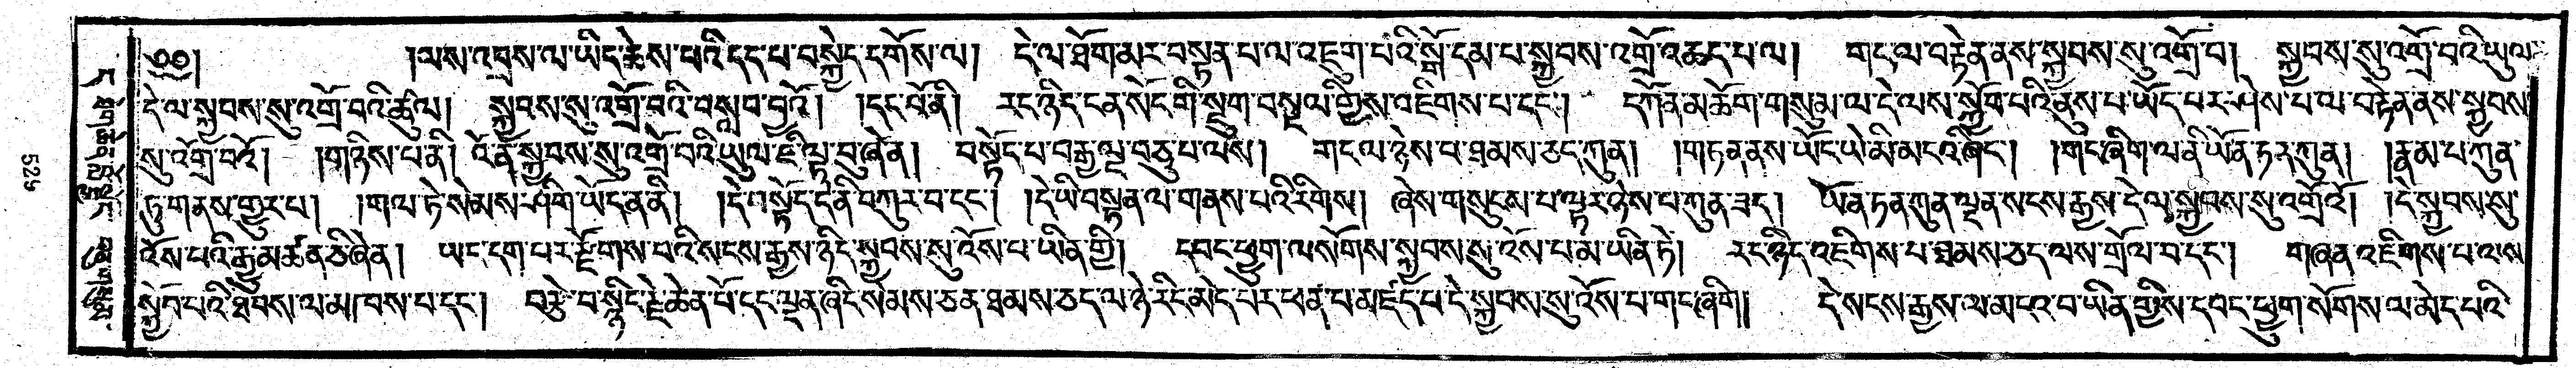༄༅། །ལས་འབྲས་ལ་ཡིད་ཆེས་པའི་དད་པ་བསྐྱེད་དགོས་ལ། དེ་ལ་ཐོག་མར་བསྟན་པ་ལ་འཇུག་པའི་སྒོ་དམ་པ་སྐྱབས་འགྲོ་འཆད་པ་ལ། གང་ལ་བརྟེན་ནས་སྐྱབས་སུ་འགྲོ་བ། སྐྱབས་སུ་འགྲོ་བའི་ཡུལ་
དེ་ལ་སྐྱབས་སུ་འགྲོ་བའི་ཚུལ། སྐྱབས་སུ་འགྲོ་བའི་བསླབ་བྱའོ། །དང་པོ་ནི། རང་ཉིད་ངན་སོང་གི་སྡུག་བསྔལ་གྱིས་འཇིགས་པ་དང་།དཀོན་མཆོག་གསུམ་ལ་དེ་ལས་སྐྱོབ་པའི་ནུས་པ་ཡོད་པར་ཤེས་པ་ལ་བརྟེན་ནས་སྐྱབས་
སུ་འགྲོ་བའོ། །གཉིས་པ་ནི། འོ་ན་སྐྱབས་སུ་འགྲོ་བའི་ཡུལ་ཇི་ལྟ་བུ་ཞེ་ན། བསྟོད་པ་བརྒྱ་ལྔ་བཅུ་པ་ལས། གང་ལ་ཉེས་པ་ཐམས་ཅད་ཀུན། །གཏན་ནས་ཡོང་ཡེ་མི་མངའ་ཞིང་། །གང་ཞིག་ལ་ནི་ཡོན་ཏན་ཀུན། །རྣམ་པ་ཀུན་
ཏུ་གནས་གྱུར་པ། །གལ་ཏེ་སེམས་ཤིག་ཡོད་ན་ནི། །དེ་བསྟོད་དེ་ནི་བཀུར་བ་དང་། །དེ་ཡི་བསྟན་ལ་གནས་པའི་རིགས། ཞེས་གསུངས་པ་ལྟར་ཉེས་པ་ཀུན་ཟད། ཡོན་ཏན་ཀུན་ལྡན་སངས་རྒྱས་དེལ་སྐྱབས་སུ་འགྲོའོ། །དེ་སྐྱབས་སུ་
འོས་པའི་རྒྱུ་མཚན་ཅི་ཞེན། ཡང་དག་པར་རྫོགས་པའི་སངས་རྒྱས་ཉིད་སྐྱབས་སུ་འོས་པ་ཡིན་གྱི། དབང་ཕྱུག་ལ་སོགས་སྐྱབས་སུ་འོས་པ་མ་ཡིན་ཏེ། རང་ཉིད་འཇིགས་པ་ཐམས་ཅད་ལས་གྲོལ་བ་དང་། གཞན་འཇིགས་པ་ལས་
སྐྱོབ་པའི་ཐབས་ལ་མཁས་པ་དང་། བརྩེ་བ་སྙིང་རྗེ་ཆེན་པོ་དང་ལྡན་ཞིང་སེམས་ཅན་ཐམས་ཅད་ལ་ཉེ་རིང་མེད་པར་ཕན་པ་མཛད་པ་དེ་སྐྱབས་སུ་འོས་པ་གང་ཞིག། དེ་སངས་རྒྱས་ལ་མངའ་བ་ཡིན་གྱིས་དབང་ཕྱུག་སོགས་ལ་མེད་པའི་